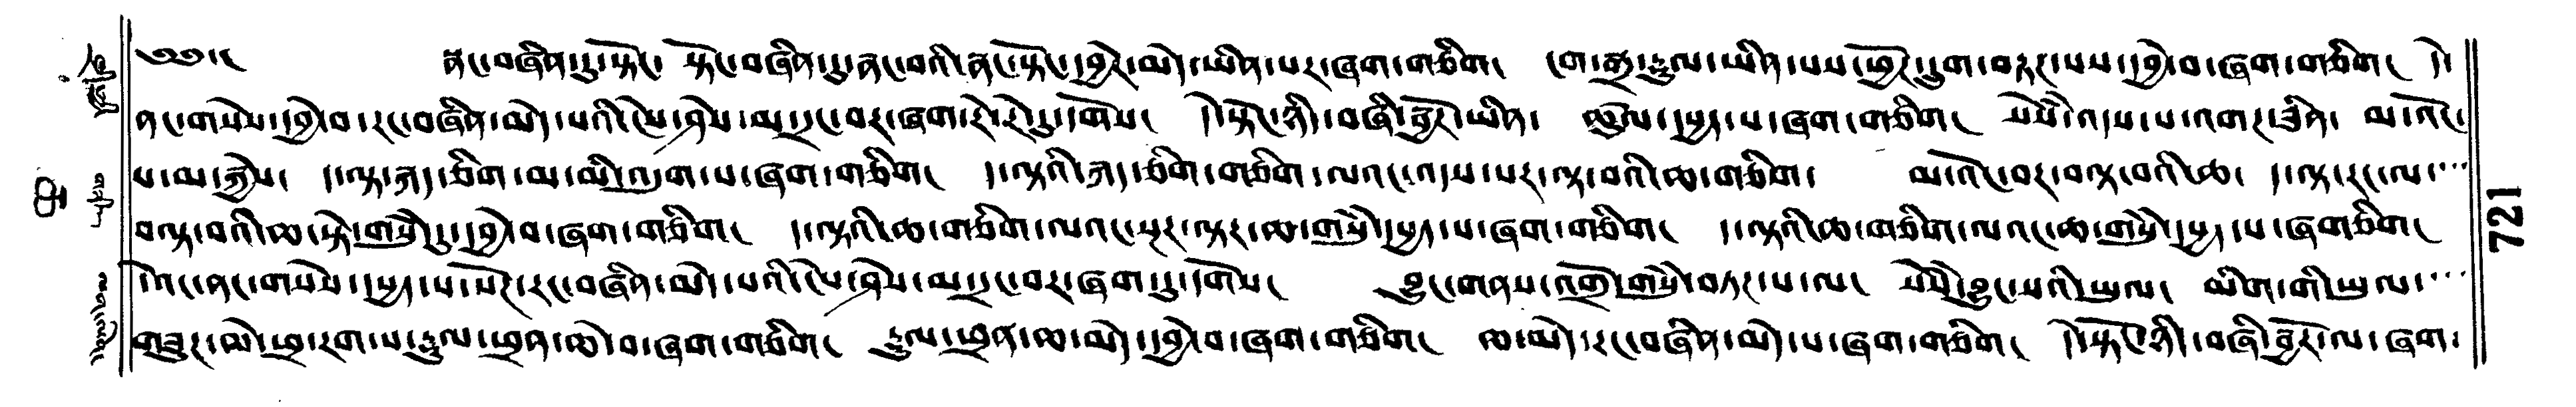སྣང་བཞིན་དུ་སྟོང་། སྟོང་བཞིན་དུ་སྣང་བའི་སྣང་སྟོང་དབྱེར་མེད་ཡིན་པར་ཞག་གཅིག ངག་སྒྲ་རྡུལ་ཡིན་པས་ཕྱོགས་དྲུག་བརྟགས་པས་དབྱེ་བ་ཞག་གཅིག དེ་
ནང་གསེས་དབྱེ་བ་རང་བཞིན་མེད་པའི་ངེས་ཤེས་མ་དྲང་བར་ཞག་རེ་རེ་དུ་དགོས། དེ་སྟོང་ཉིད་བཞི་སྦྱོར་ཡིན་ཚུལ་དཔྱད་པ་ཞག་གཅིག སེམས་འདས་པ་འགགས་ཟིན། མ་འོངས་
པ་མ་སྐྱེས། ད་ལྟ་སྐད་ཅིག་མ་མི་འདུག་པ་ཞག་གཅིག ད་ལྟའི་སྐད་ཅིག་གཅིག་ལའང་འདས་པར་ལྟ་བའི་ཆ་གཅིག མ་འོངས་བར་བལྟ་བའི་ཆ། ད་ལྟ་རང་ལ་
བལྟ་བའི་ཆ་སྟེ་གསུམ་དུ་དབྱེ་བ་ཞག་གཅིག ད་ལྟའི་ཆ་གཅིག་ལའང་སྔར་ལྟར་ཆ་གསུམ་དཔྱད་པ་ཞག་གཅིག ད་ལྟའི་ཆ་གཅིག་ལའང་ཆ་གསུམ་དཔྱད་པ་ཞག་གཅིག 
དེའང་ནང་གསེས་དཔྱད་པ་སོགས་རང་བཞིན་མེད་པའི་ངེས་ཤེས་མ་དྲང་བར་ཞག་དུ་དགོས། བྱུང་གནས་འགྲོ་གསུམ་བརྟག་པ་ལ། སེམས་བྱུང་སའི་ཡུལ། མིག་གི་ཡུལ་
གཟུགས་ཆེ་ཕྲ་རགས་པ་རྡུལ་ཕྲན་ཆེ་བ་ཞག་གཅིག རྡུལ་ཕྲན་ཆ་མེད་དབྱེ་བ་ཞག་གཅིག ཆ་མེད་རང་བཞིན་མེད་པ་ཞག་གཅིག དེ་སྟོང་ཉིད་བཞི་སྦྱོར་ལ་ཞག་